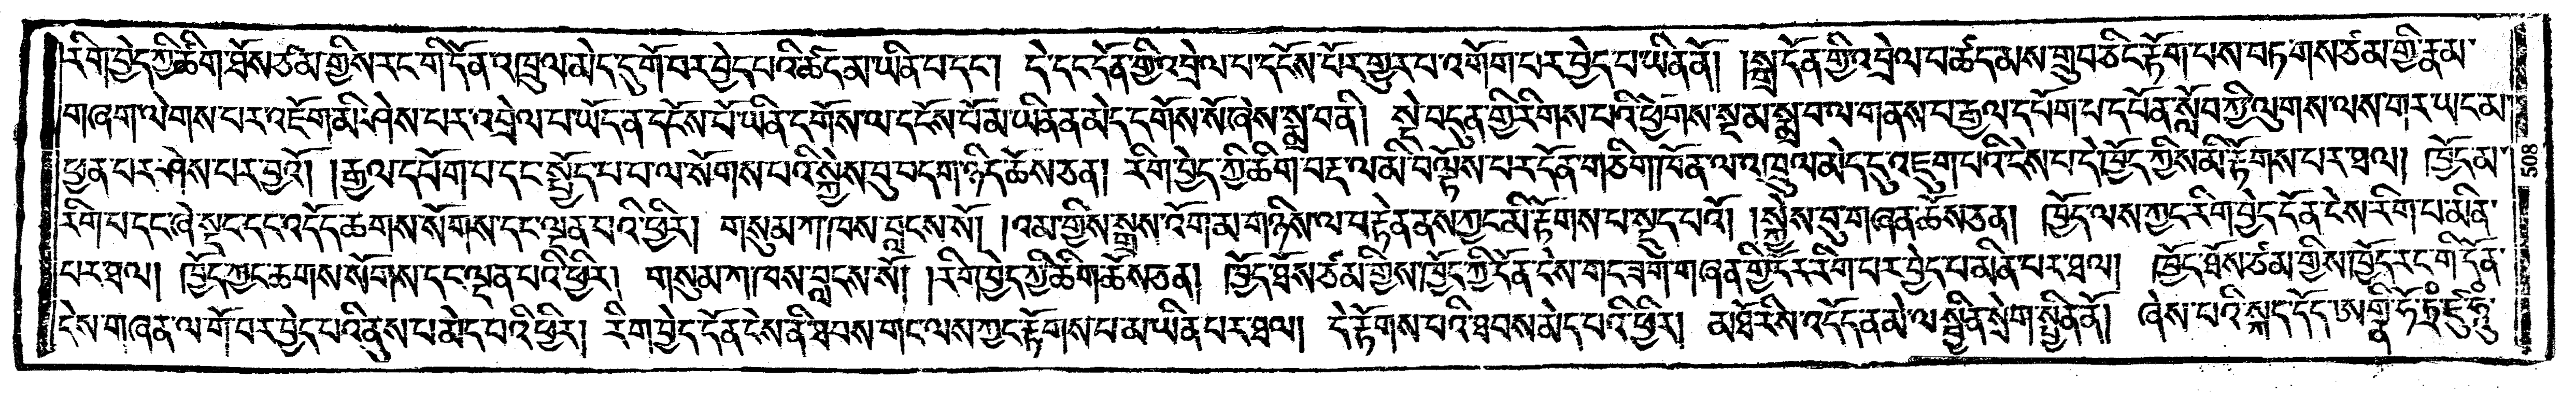རིག་བྱེད་ཀྱི་ཚིག་ཐོས་ཙམ་གྱིས་རང་གི་དོན་འཁྲུལ་མེད་དུ་གོ་བར་བྱེད་པའི་ཚད་མ་ཡིན་པ་དང་། དེ་དང་དོན་གྱི་འབྲེལ་པ་དངོས་པོར་གྱུར་པ་འགོག་པར་བྱེད་པ་ཡིན་ནོ། །སྒྲ་དོན་གྱི་འབྲེལ་པ་ཚད་མས་གྲུབ་ཅིང་རྟོག་པས་བཏགས་ཙམ་གྱི་རྣམ་
གཞག་ལེགས་པར་འཇོག་མི་ཤེས་པར་འབྲེལ་པ་ཡོད་ན་དངོས་པོ་ཡིན་དགོས་ལ་དངོས་པོ་མ་ཡིན་ན་མེད་དགོས་སོ་ཞེས་སྨྲ་བ་ནི། སྡེ་བདུན་གྱི་རིགས་པའི་ཕྱོགས་སྔ་མ་སྨྲ་བ་ལ་གནས་པ་རྒྱལ་དཔོག་པ་དཔོན་སློབ་ཀྱི་ལུགས་ལས་གར་ཡང་མ་
ཕྱན་པར་ཤེས་པར་བྱའོ། །རྒྱལ་དཔོག་པ་དང་སྤྱོད་པ་པ་ལ་སོགས་པའི་སྐྱེས་བུ་བདག་ཉིད་ཆོས་ཅན། རིག་བྱེད་ཀྱི་ཚིག་བརྡ་ལ་མི་བལྟོས་པར་དོན་གཅིག་ཁོ་ན་ལ་འཁྲུལ་མེད་དུ་འཇུག་པའི་ངེས་པ་དེ་ཁྱོད་ཀྱིས་མི་རྟོགས་པར་ཐལ། ཁྱོད་མ་
རིག་པ་དང་ཞེ་སྡང་དང་འདོད་ཆགས་སོགས་དང་ལྡན་པའི་ཕྱིར། གསུམ་ཀ་ཁས་བླངས་སོ། །འམ་གྱིས་སྒྲས་འོག་མ་གཉིས་ལ་བརྟེན་ནས་ཀྱང་མི་རྟོགས་པ་སྡུད་པའོ། །སྐྱེས་བུ་གཞན་ཆོས་ཅན། ཁྱོད་ལས་ཀྱང་རིག་བྱེད་དོན་ངེས་རིག་པ་མིན་
པར་ཐལ། ཁྱོད་ཀྱང་ཆགས་སོགས་དང་ལྡན་པའི་ཕྱིར། གསུམ་ཀ་ཁས་བླངས་སོ། །རིག་བྱེད་ཀྱི་ཚིག་ཆོས་ཅན། ཁྱོད་ཐོས་ཙམ་གྱིས་ཁྱོད་ཀྱི་དོན་ངེས་གང་ཟག་གཞན་གྱི་ངོར་རིག་པར་བྱེད་པ་མིན་པར་ཐལ། ཁྱོད་ཐོས་ཙམ་གྱིས་ཁྱོད་རང་གི་དོན་
དེས་གཞན་ལ་གོ་བར་བྱེད་པའི་ནུས་པ་མེད་པའི་ཕྱིར། རིག་བྱེད་དོན་ངེས་ནི་ཐབས་གང་ལས་ཀྱང་རྟོགས་པ་མ་ཡིན་པར་ཐལ། དེ་རྟོགས་པའི་ཐབས་མེད་པའི་ཕྱིར། མཐོ་རིས་འདོད་ན་མེ་ལ་སྦྱིན་སྲེག་སྦྱིན་ནོ། ཞེས་པའི་སྐད་དོད་ཨགནི་ཧོ་ཏྲཾ་ཛུ་ཧཱུཾ་